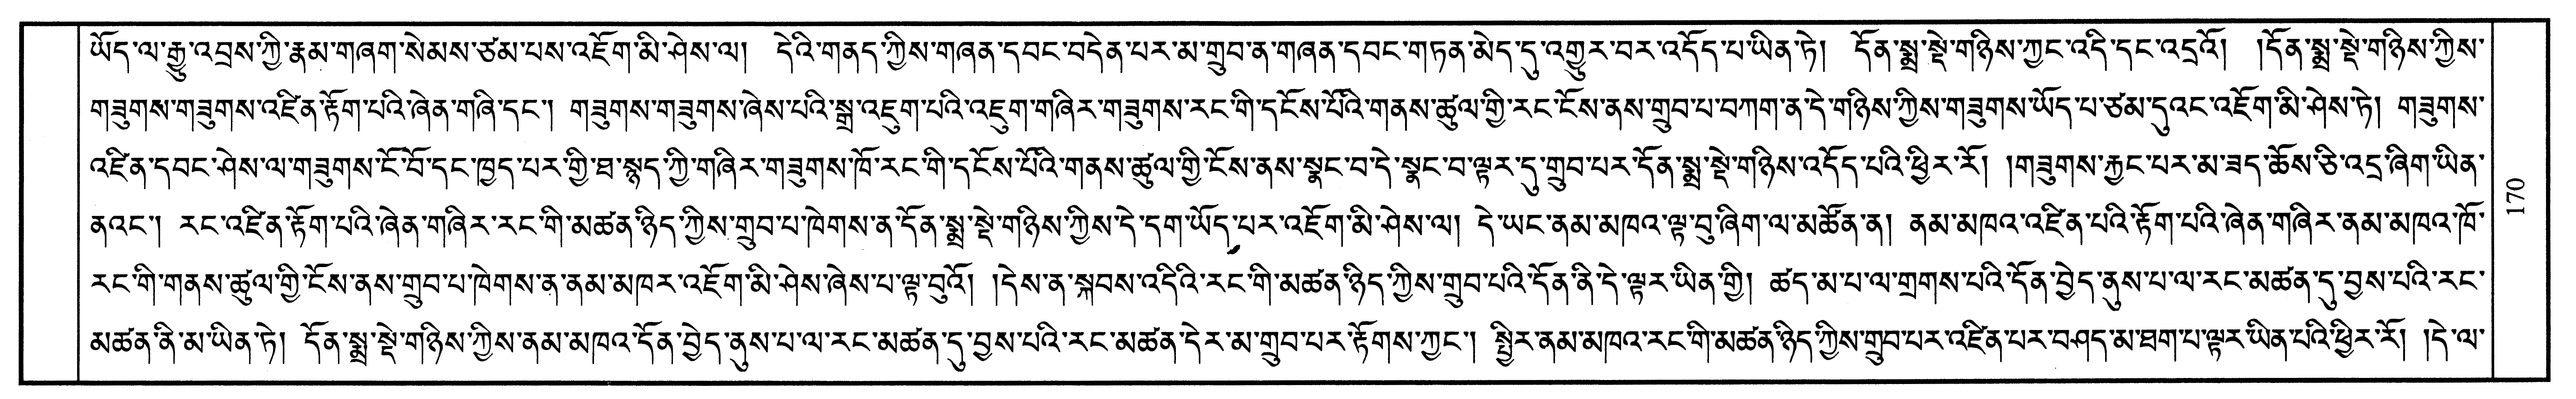ཡོད་ལ་རྒྱུ་འབྲས་ཀྱི་རྣམ་གཞག་སེམས་ཙམ་པས་འཇོག་མི་ཤེས་ལ། དེའི་གནད་ཀྱིས་གཞན་དབང་བདེན་པར་མ་གྲུབ་ན་གཞན་དབང་གཏན་མེད་དུ་འགྱུར་བར་འདོད་པ་ཡིན་ཏེ། དོན་སྨྲ་སྡེ་གཉིས་ཀྱང་འདི་དང་འདྲའོ། །དོན་སྨྲ་སྡེ་གཉིས་ཀྱིས་
གཟུགས་གཟུགས་འཛིན་རྟོག་པའི་ཞེན་གཞི་དང་། གཟུགས་གཟུགས་ཞེས་པའི་སྒྲ་འཇུག་པའི་འཇུག་གཞིར་གཟུགས་རང་གི་དངོས་པོའི་གནས་ཚུལ་གྱི་རང་ངོས་ནས་གྲུབ་པ་བཀག་ན་དེ་གཉིས་ཀྱིས་གཟུགས་ཡོད་པ་ཙམ་དུའང་འཇོག་མི་ཤེས་ཏེ། གཟུགས་
འཛིན་དབང་ཤེས་ལ་གཟུགས་ངོ་བོ་དང་ཁྱད་པར་གྱི་ཐ་སྙད་ཀྱི་གཞིར་གཟུགས་ཁོ་རང་གི་དངོས་པོའི་གནས་ཚུལ་གྱི་ངོས་ནས་སྣང་བ་དེ་སྣང་བ་ལྟར་དུ་གྲུབ་པར་དོན་སྨྲ་སྡེ་གཉིས་འདོད་པའི་ཕྱིར་རོ། །གཟུགས་རྐྱང་པར་མ་ཟད་ཆོས་ཅི་འདྲ་ཞིག་ཡིན་
ནའང་། རང་འཛིན་རྟོག་པའི་ཞེན་གཞིར་རང་གི་མཚན་ཉིད་ཀྱིས་གྲུབ་པ་ཁེགས་ན་དོན་སྨྲ་སྡེ་གཉིས་ཀྱིས་དེ་དག་ཡོད་པར་འཇོག་མི་ཤེས་ལ། དེ་ཡང་ནམ་མཁའ་ལྟ་བུ་ཞིག་ལ་མཚོན་ན། ནམ་མཁའ་འཛིན་པའི་རྟོག་པའི་ཞེན་གཞིར་ནམ་མཁའ་ཁོ་
རང་གི་གནས་ཚུལ་གྱི་ངོས་ནས་གྲུབ་པ་ཁེགས་ན་ནམ་མཁར་འཇོག་མི་ཤེས་ཞེས་པ་ལྟ་བུའོ། །དེས་ན་སྐབས་འདིའི་རང་གི་མཚན་ཉིད་ཀྱིས་གྲུབ་པའི་དོན་ནི་དེ་ལྟར་ཡིན་གྱི། ཚད་མ་པ་ལ་གྲགས་པའི་དོན་བྱེད་ནུས་པ་ལ་རང་མཚན་དུ་བྱས་པའི་རང་
མཚན་ནི་མ་ཡིན་ཏེ། དོན་སྨྲ་སྡེ་གཉིས་ཀྱིས་ནམ་མཁའ་དོན་བྱེད་ནུས་པ་ལ་རང་མཚན་དུ་བྱས་པའི་རང་མཚན་དེར་མ་གྲུབ་པར་རྟོགས་ཀྱང་། སྤྱིར་ནམ་མཁའ་རང་གི་མཚན་ཉིད་ཀྱིས་གྲུབ་པར་འཛིན་པར་བཤད་མ་ཐག་པ་ལྟར་ཡིན་པའི་ཕྱིར་རོ། །དེ་ལ་